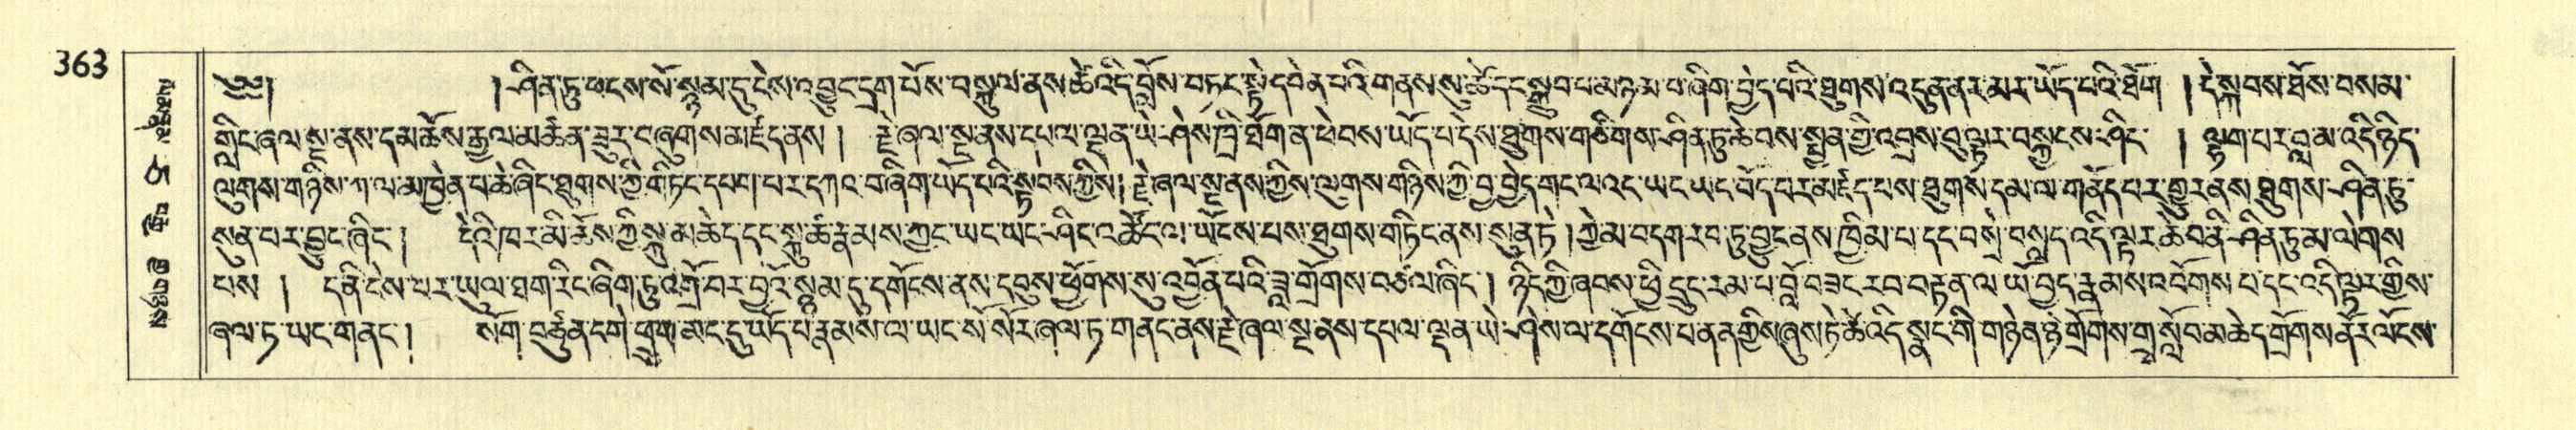༄༅། །ཤིན་ཏུ་ཕངས་སོ་སྙམ་དུ་ངེས་འབྱུང་དྲག་པོས་བསྐུལ་ནས་ཚེ་འདི་བློས་བཏང་སྟེ་དབེན་པའི་གནས་སུ་ཚེ་དང་སྒྲུབ་པ་མཉམ་པ་ཞིག་བྱེད་པའི་ཐུགས་འདུན་ནར་མར་ཡོད་པའི་ཐོག །དེ་སྐབས་ཐོས་བསམ་
གླིང་ཞལ་སྔ་ནས་དམ་ཆོས་རྒྱལ་མཚན་ཟུར་བཞུགས་མཛད་ནས། རྗེ་ཞལ་སྔ་ནས་དཔལ་ལྡན་ཡེ་ཤེས་ཁྲི་ཐོག་ན་ཕེབས་ཡོད་པ་དེས་ཐུགས་གཟིགས་ཤིན་ཏུ་ཆེ་བས་སྤྱན་གྱི་འབྲས་བུ་ལྟར་བསྐྱངས་ཤིང་། ལྷག་པར་བླ་མ་འདི་ཉིད་
ལུགས་གཉིས་ཀ་ལ་མཁྱེན་པ་ཆེ་ཞིང་ཐུགས་ཀྱི་གཏིང་དཔག་པར་དཀའ་བ་ཞིག་ཡོད་པའི་སྟབས་ཀྱིས། རྗེ་ཞལ་སྔ་ནས་ཀྱིས་ལུགས་གཉིས་ཀྱི་བྱ་བྱེད་གང་ལའང་ཡང་ཡང་བོད་བར་མཛད་པས་ཐུགས་དམ་ལ་གནོད་པར་གྱུར་ནས་ཐུགས་ཤིན་ཏུ་
སུན་བར་བྱུང་ཞིང་། དེའི་ཁར་མི་ཆོས་ཀྱི་སྐུ་མཆེད་དང་སྐུ་ཚ་རྣམས་ཀྱང་ཡང་ཡང་ཤིང་འཚོང་ལ་ཡོངས་པས་ཐུགས་གཏིང་ནས་སུན་ཏེ། ཀྱེ་མ་བདག་རབ་ཏུ་བྱུང་ནས་ཁྱིམ་པ་དང་བསྲེ་བསླད་འདི་ལྟར་ཆེ་བ་ནི་ཤིན་ཏུ་མ་ལེགས་
པས། ད་ནི་ངེས་པར་ཡུལ་ཐག་རིང་ཞིག་ཏུ་འགྲོ་བར་བྱའོ་སྙམ་དུ་དགོངས་ནས་དབུས་ཕྱོགས་སུ་འབྱོན་པའི་ཟླ་གྲོགས་བཙལ་ཞིང་། ཉིད་ཀྱི་ཞབས་ཕྱི་དྲུང་རམ་པ་བློ་བཟང་རབ་བརྟན་ལ་ཡོ་བྱད་རྣམས་འབོགས་པ་དང་འདི་ལྟར་གྱིས་
ཞལ་ཏ་ཡང་གནང་། སོག་བཙུན་དགེ་ཕྲུག་མང་དུ་ཡོད་པ་རྣམས་ལ་ཡང་སོ་སོར་ཞལ་ཏ་གནང་ནས་རྗེ་ཞལ་སྔ་ནས་དཔལ་ལྡན་ཡེ་ཤེས་ལ་དགོངས་པ་ནན་གྱིས་ཞུས་ཏེ་ཚེ་འདི་སྣང་གི་གཉེན་ཉེ་གྲོགས་གྲྭ་སློབ་མཆེད་གྲོགས་ནོར་ལོངས་